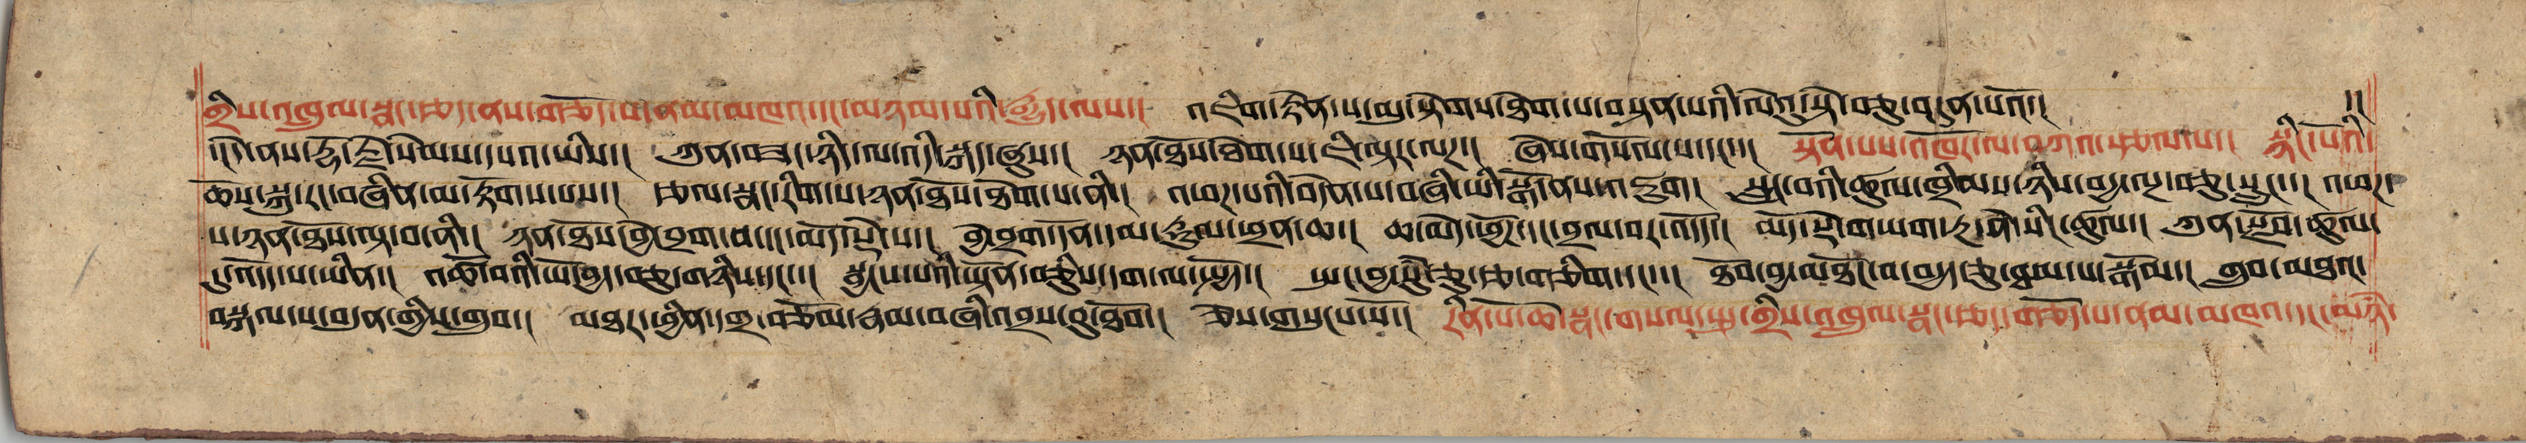གྲིས་འཁྲུལ་སྣང་རྩད་ནས་གཅོད་པ་ནམ་མཁའ་དང་མཉམ་པའི་རྒྱུད་ལས་། འཇིག་རྟེན་པ་མུ་སྟེགས་ཐེག་པ་བསྟན་པའི་ལེའུ་སྟེ་བཅུ་བདུན་པའོ་།
་།དེ་ནས་རྡོ་རྗེ་སེམས་དཔའ་ཡིས་། ཀུན་བཟང་ཉིད་ལས་འདི་སྐད་ཞུས་། ཉན་ཐོས་ཐེག་པ་ཇི་ལྟར་ལཌ་། ཞེས་གསོལ་པ་དང་་། སྟོན་པས་འཁོར་ལ་བཀའ་སྩལ་པ་། སྙིང་པོའི་
ཆོས་སྐུ་རང་བཞིན་མ་རྟོགས་པས་། རྩལ་སྣང་རིག་པ་ཉན་ཐོས་ཐེག་པ་ནི་། འཕཌ་པའི་བདེན་པ་བཞི་ཡི་སྒོ་ནས་འཇུག། སྲུང་བའི་ཚུལ་ཁྲིམས་ཉིས་བདྱ་ལྔ་བཅུ་སྲུང་་། འཕཌ་
པ་ཉན་ཐོས་ལྟ་བ་ནི་། ཉན་ཐོས་བྱེ་བྲག་བ་དང་མདོ་སྡེ་པ་། བྱེ་བྲག་དོན་དམ་རྡུལ་ཕྲན་ཆ་། ཆ་མེད་ཕྱོཌ་དང་བྲལ་བར་འདོད་། མདོ་སྡེ་གཡག་རྔ་ནེ་སིང་ཚུལ་། ཀུན་སྫོབ་ཚུལ་
དུ་འདོད་པ་ཡིན་། འཚོ་བའི་ཡོ་བྱད་བཅུ་གཉིས་དང་་། སྦྱངས་པའི་ཡྟོན་བཅིུས་དག་ལ་སྤྱོད་། སྤང་བྱ་སུཾ་ཅུ་རྩ་གཅིག་དང་་། ཐོབ་བྱ་མཐོང་བ་བདྱད་ཅུ་ཐམ་པ་སྒོམ་། གྲུབ་མཐའ་
བསྐལ་པ་བདུན་གྱིས་གྲུབ་། མཐར་ཕྱིན་དགྲ་བཅོམ་རྣམ་བཞི་འབྲས་བུ་ཐོབ་། ཅེས་གསུངས་སོ་། རིན་པོ་ཆེ་སྣང་གསལ་སྤུ་གྲིས་འཁྲུལ་སྣང་རྩད་གཅོད་པ་ནམ་མཁའ་དང་མཉཾ་